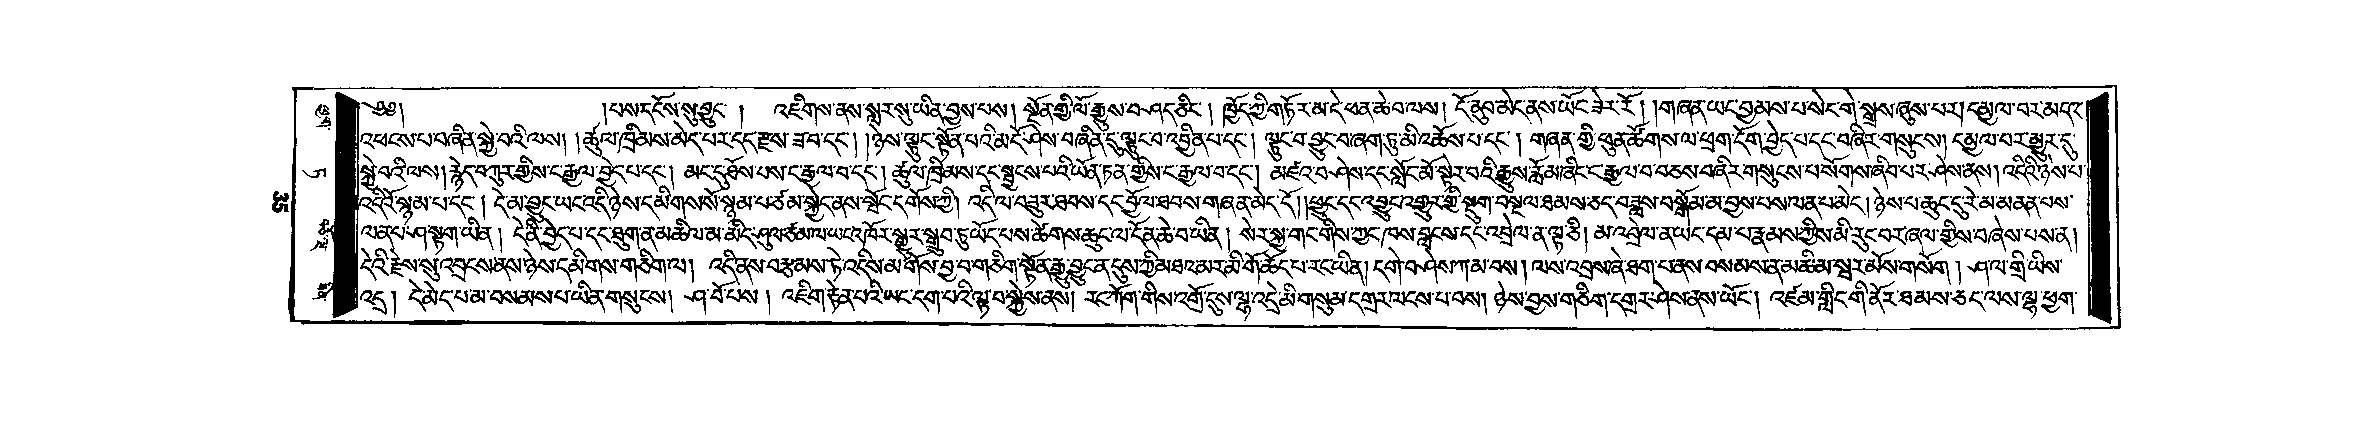༄༅། །པས་དངོས་སུ་བྱུང་། འཇིགས་ནས་སླར་སུ་ཡིན་བྱས་པས། སྔོན་གྱི་ལོ་རྒྱུས་བཤད་ཅིང་། ཁྱོད་ཀྱི་གཏོར་མ་དེ་ཕན་ཆེ་བ་ལས། དོ་ནུབ་མེད་ནས་ཡོང་ཟེར་རོ། །གཞན་ཡང་བྱམས་པ་སེང་གེ་སྒྲས་ཞུས་པར། དམྱལ་བར་མདའ་
འཕངས་པ་བཞིན་སྐྱེ་བའི་ལས། །ཚུལ་ཁྲིམས་མེད་པར་དད་རྫས་ཟ་བ་དང་། །ཉེས་ལྟུང་སྟོན་པའི་མདོ་ཤེས་བཞིན་དུ་ལྟུང་བ་འབྱིན་པ་དང་། ལྟུང་བ་བྱུང་བ་ཞག་ཏུ་མི་འཆོས་པ་དང་། གཞན་གྱི་ཕུན་ཚོགས་ལ་ཕྲག་དོག་བྱེད་པ་དང་བཞིར་གསུངས། དམྱལ་བར་མྱུར་དུ་
སྐྱེ་བའི་ལས། རྙེད་བཀུར་གྱིས་ང་རྒྱལ་བྱེད་པ་དང་། མང་དུ་ཐོས་པས་ང་རྒྱལ་བ་དང་། ཚུལ་ཁྲིམས་དང་སྦྱངས་པའི་ཡོན་ཏན་གྱིས་ང་རྒྱལ་བ་དང་། མཛའ་བཤེས་དང་སློང་མོ་སྟེར་བའི་རྒྱུས་རློམ་ཞིང་ང་རྒྱལ་བ་བཅས་བཞིར་གསུངས་པ་སོགས་ཞིབ་པར་ཤེས་ནས། འདིའི་ཉེས་པ་
འདིའོ་སྙམ་པ་དང་། དེ་མ་བྱུང་ཡང་འདི་ཉེས་དམིགས་སོ་སྙམ་པ་ཙམ་སྐྱེད་ནས་སྤོང་དགོས་ཀྱི། འདི་ལ་བཟུར་ཐབས་དང་བྱོལ་ཐབས་གཞན་མེད་དོ། །ཕྱུང་དང་འབྱུང་འགྱུར་གྱི་སྡུག་བསྔལ་ཐམས་ཅད་བཟླས་བསྒོམ་མ་བྱས་པས་ལན་པ་མེད། ཉེས་པ་ཆུང་ངུ་རེ་མ་མནན་པས་
ལན་པ་ཤ་སྟག་ཡིན། དེ་ནི་བྱེད་པ་དང་ཐུག་ན་མཆིལ་མ་མིད་ཤུལ་ཙམ་ལ་ཡང་འཁོར་སྒྱུར་སྒྲུབ་ཏུ་ཡོད་པས་ཚེགས་ཆུང་ལ་དོན་ཆེ་བ་ཡིན། སེར་སྐྱ་གང་གིས་ཀྱང་ཁས་བླངས་དང་འབྲེལ་ན་ལྟ་ཅི། མ་འབྲེལ་ན་ཡང་དམ་པ་རྣམས་ཀྱིས་མི་རུང་བར་ཞལ་གྱིས་བཞེས་པས་ན།
དེའི་རྗེས་སུ་འབྲངས་ནས་ཉེས་དམིགས་གཅིག་ལ། འདི་ནས་བརྩམས་ཏེ་འདིས་མ་གོས་བྱ་བ་གཅིག་སྟོན་རྒྱུ་བྱུང་ན་དུས་ཀྱི་མཐའ་མར་མི་གོ་ཆོད་པ་རང་ཡིན། དགེ་བཤེས་ཀ་མ་བས། ལས་འབྲས་ཞེ་ཐག་པ་ནས་བསམས་ན་མཆི་མ་སྦར་མོས་གསོག །ཤ་ལ་གྲི་ཡིས་
འདྲ། དེ་མེད་པ་མ་བསམས་པ་ཡིན་གསུངས། ཤ་བོ་པས། འཇིག་རྟེན་པའི་ཡང་དག་པའི་ལྟ་བ་སྐྱེས་ནས། རང་ཀོག་གིས་འགྲོ་དུས་ལྷ་འདྲེ་མི་གསུམ་དགྲར་ལངས་པ་བས། ཉེས་བྱས་གཅིག་དགྲར་ཤེས་ནས་ཡོང་། འཛམ་གླིང་གི་ནོར་ཐམས་ཅད་ལས་ལྷ་ཕྱག་